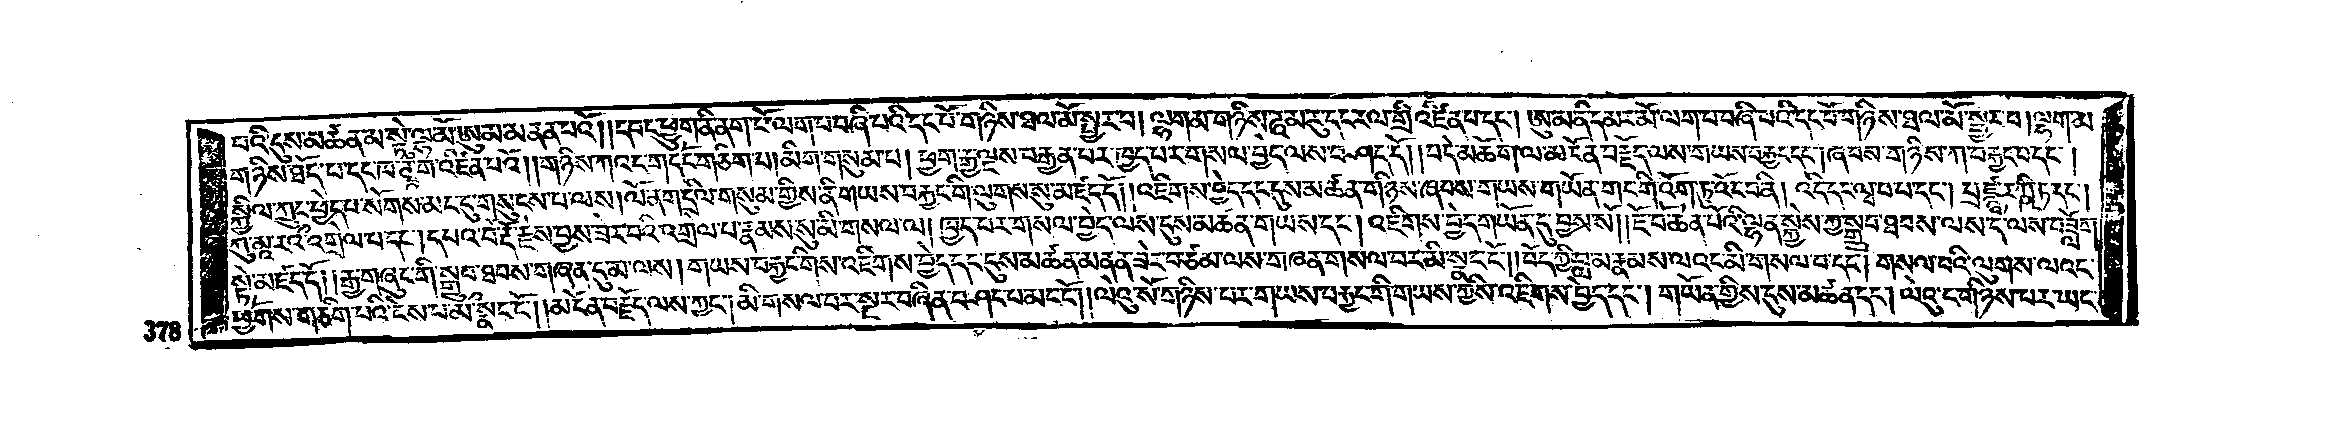པའི་དུས་མཚན་མ་སྟེ་ལྷ་མོ་ཨུ་མ་མནན་པའོ། །དབང་ཕྱུག་ནི་ནག་པོ་ལག་པ་བཞི་པའི་དང་པོ་གཉིས་ཐལ་མོ་སྦྱར་བ། ལྷག་མ་གཉིས་ཌཱ་མ་རུ་དང་རལ་གྲི་འཛིན་པ་དང་། ཨུ་མ་ནི་དམར་མོ་ལག་པ་བཞི་པའི་དང་པོ་གཉིས་ཐལ་མོ་སྦྱར་བ། ལྷག་མ་
གཉིས་ཐོད་པ་དང་ཁ་ཊྭཱཾ་ག་འཛིན་པའོ། །གཉིས་ཀའང་གདོང་གཅིག་པ། མིག་གསུམ་པ། ཕྱག་རྒྱ་ལྔས་བརྒྱན་པར་ཁྱད་པར་གསལ་བྱེད་ལས་བཤད་དོ། །བདེ་མཆོག་ལ་མངོན་བརྗོད་ལས་གཡས་བརྐྱང་དང་། ཞབས་གཉིས་ཀ་བརྐྱང་བ་དང་།
སྐྱིལ་ཀྲུང་ཕྱེད་པ་སོགས་མང་དུ་གསུངས་པ་ལས། ལོ་ནག་དྲིལ་གསུམ་གྱིས་ནི་གཡས་བརྐྱང་གི་ལུགས་སུ་མཛད་དོ། །འཇིགས་བྱེད་དང་དུས་མཚན་གཉིས་ཞབས་གཡས་གཡོན་གང་གི་འོག་ཏུ་འོང་བ་ནི། འདི་དང་ལྭ་བ་པ་དང་། པྲཛྙཱ་རཀྵི་ཏ་དང་།
ཀུ་མཱ་རའི་འགྲེལ་པ་དང་། དཔའ་བོ་རྡོ་རྗེས་བྱས་ཟེར་བའི་འགྲེལ་པ་རྣམས་སུ་མི་གསལ་ལ། ཁྱད་པར་གསལ་བྱེད་ལས་དུས་མཚན་གཡས་དང་། འཇིགས་བྱེད་གཡོན་དུ་བྱས་སོ། །ཇོ་བོ་ཆེན་པོའི་ལྷན་སྐྱེས་ཀྱི་སྒྲུབ་ཐབས་ལས་དེ་ལས་བཟློག་
སྟེ་མཛད་དོ། །རྒྱ་གཞུང་གི་སྒྲུབ་ཐབས་གཞན་དུ་མ་ལས། གཡས་བརྐྱང་གིས་འཇིགས་བྱེད་དང་དུས་མཚན་མནན་ཟེར་བ་ཙམ་ལས་གཞན་གསལ་བར་མི་སྣང་ངོ། །བོད་ཀྱི་བླ་མ་རྣམས་ལའང་མི་གསལ་བ་དང་། གསལ་བའི་ལུགས་ལའང་
ཕྱོགས་གཅིག་པའི་ངེས་པ་མི་སྣང་ངོ། །མངོན་བརྗོད་ལས་ཀྱང་། མི་གསལ་བར་སྔར་བཞིན་བཤད་པ་མང་ངོ། །ལེའུ་སོ་གཉིས་པར་གཡས་བརྐྱང་གི་གཡས་ཀྱིས་འཇིགས་བྱེད་དང་། གཡོན་གྱིས་དུས་མཚན་དང་། ལེའུ་ང་གཉིས་པར་ཡང་